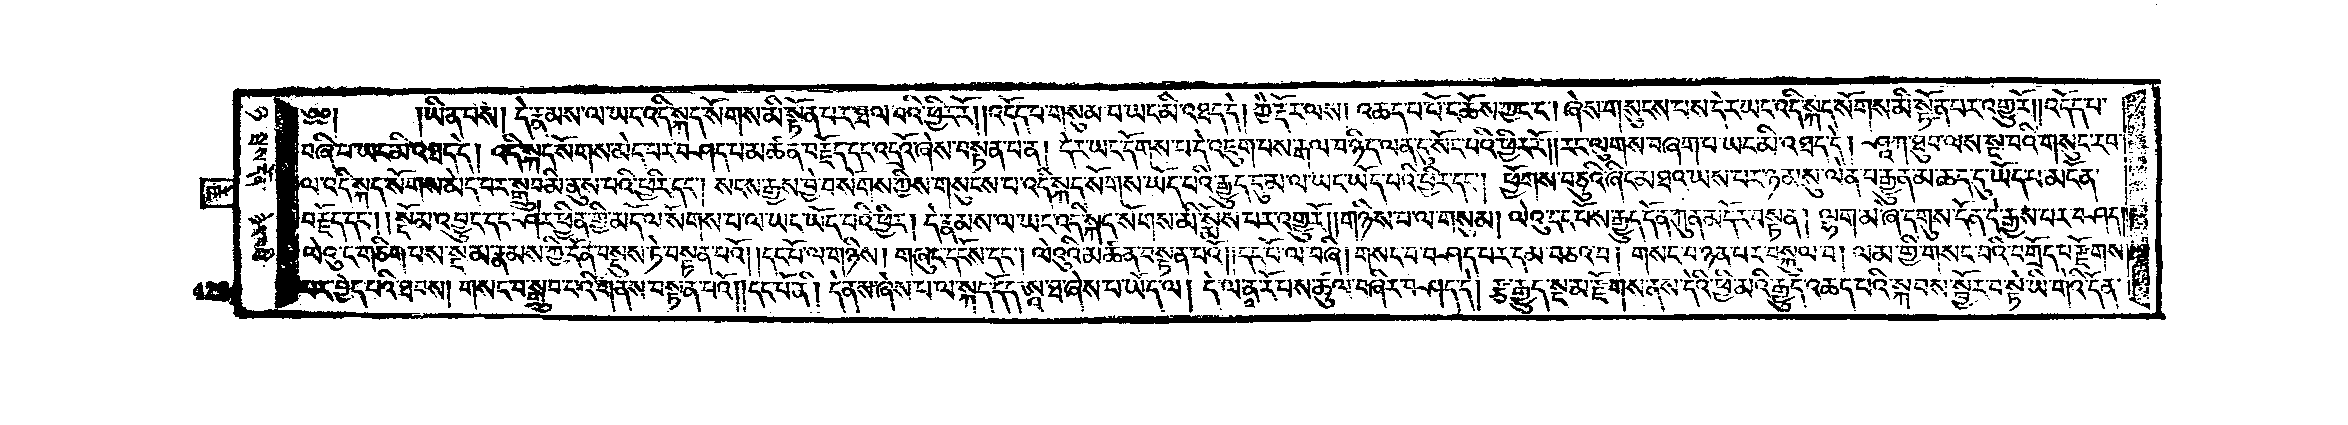༄༅། །ཡིན་པས། དེ་རྣམས་ལ་ཡང་འདི་སྐད་སོགས་མི་སྟོན་པར་ཐལ་བའི་ཕྱིར་རོ། །འདོད་པ་གསུམ་པ་ཡང་མི་འཐད་དེ། ཀྱཻ་རྡོར་ལས། འཆད་པ་པོ་ང་ཆོས་ཀྱང་ང་། ཞེས་གསུངས་པས་དེར་ཡང་འདི་སྐད་སོགས་མི་སྟོན་པར་འགྱུར་རོ། །འདོད་པ་
བཞི་པ་ཡང་མི་འཐད་དེ། འདི་སྐད་སོགས་མེད་པར་བཤད་པ་མཚན་བརྗོད་དང་འདྲའོ་ཞེས་བསྟན་པ་ན། དེར་ཡང་དོགས་པ་དེ་འཇུག་པས་རྒལ་བ་ཉིད་ལན་དུ་སོང་བའི་ཕྱིར་རོ། །རང་ལུགས་བཞག་པ་ཡང་མི་འཐད་དེ། ཤཱཀ་ཐུབ་ལས་སྔ་བའི་གསུང་རབ་
ལ་འདི་སྐད་སོགས་མེད་པར་སྒྲུབ་མི་ནུས་པའི་ཕྱིར་དང་། སངས་རྒྱས་བྱེ་བ་སོགས་ཀྱིས་གསུངས་པ་འདི་སྐད་སོགས་ཡོད་པའི་རྒྱུད་དུ་མ་ལ་ཡང་ཡོད་པའི་ཕྱིར་དང་། ཕྱོགས་བཅུའི་ཞིང་མཐའ་ཡས་པར་ཉམས་སུ་ལེན་པ་རྒྱུན་མ་ཆད་དུ་ཡོད་པ་མངོན་
བརྗོད་དང་། །སྡོམ་འབྱུང་དང་ཤེར་ཕྱིན་གྱི་མདོ་ལ་སོགས་པ་ལ་ཡང་ཡོད་པའི་ཕྱིར། དེ་རྣམས་ལ་ཡང་འདི་སྐད་སོགས་མི་སྨོས་པར་འགྱུར་རོ། །གཉིས་པ་ལ་གསུམ། ལེའུ་དང་པོས་རྒྱུད་དོན་ཀུན་མདོར་བསྟན། ལྷག་མ་ཞེ་དགུས་དོན་དེ་རྒྱས་པར་བཤད།
ལེའུ་ང་གཅིག་པས་སྔ་མ་རྣམས་ཀྱི་དོན་བསྡུས་ཏེ་བསྟན་པའོ། །དང་པོ་ལ་གཉིས། གཞུང་དངོས་དང་། ལེའུའི་མཚན་བསྟན་པའོ། །དང་པོ་ལ་བཞི། གསང་བ་བཤད་པར་དམ་བཅའ་བ། གསང་བ་ཉན་པར་བསྐུལ་བ། ལམ་གྱི་གསང་བའི་བགྲོད་པ་རྫོགས་
པར་བྱེད་པའི་ཐབས། གསང་བ་སྒྲུབ་པའི་གནས་བསྟན་པའོ། །དང་པོ་ནི། དེ་ནས་ཞེས་པ་ལ་སྐད་དོད་ཨཱ་ཐ་ཞེས་པ་ཡོད་ལ། དེ་ལ་ནཱ་རོ་པས་ཚུལ་བཞིར་བཤད་དེ། རྩ་རྒྱུད་སྔ་མ་རྫོགས་ནས་དེའི་ཕྱི་མའི་རྒྱུད་འཆད་པའི་སྐབས་སྦྱོར་བ་སྟེ་ཡི་གེའི་དོན་